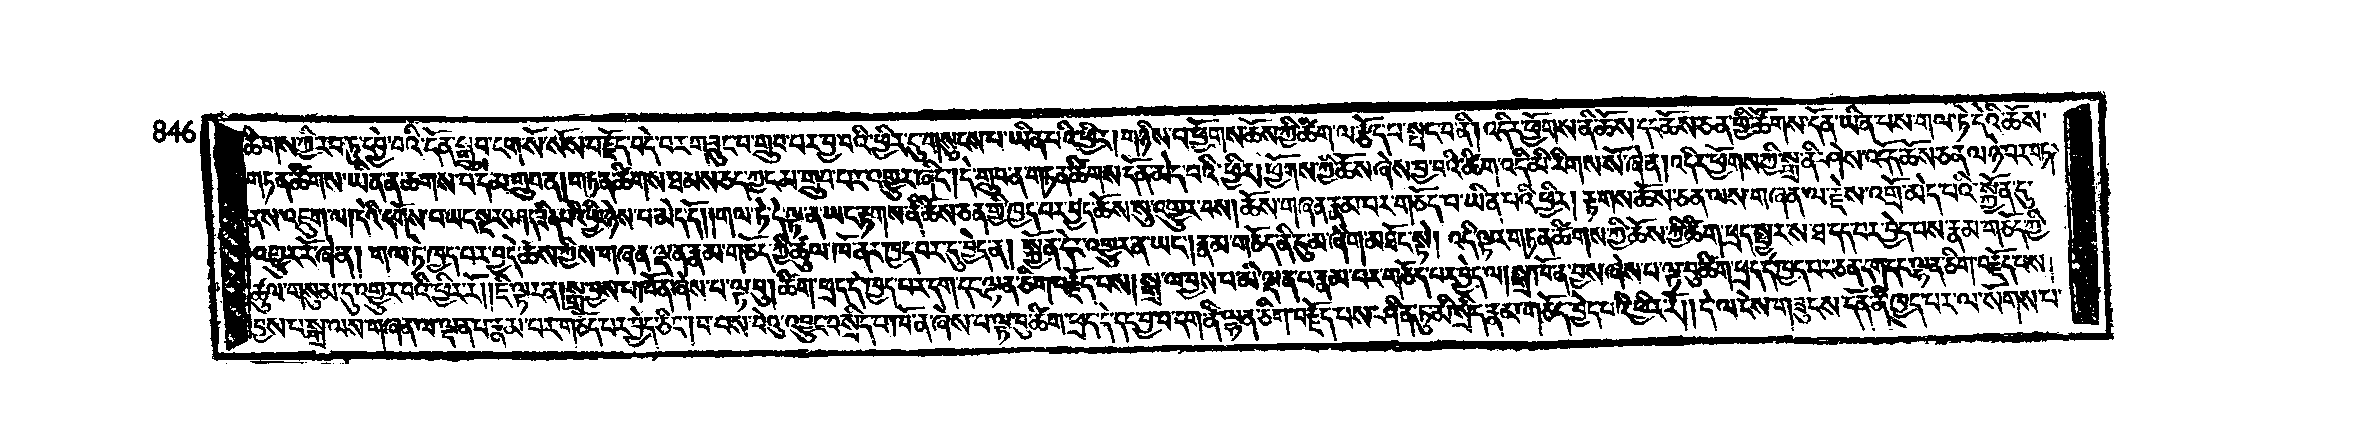ཚིགས་ཀྱི་རབ་ཏུ་དབྱེ་བའི་དོན་སྒྲུབ་ངག་སོ་སོས་བརྗོད་བདེ་བར་གཟུང་བ་གྲུབ་པར་བྱ་བའི་ཕྱིར་དུ་གསུངས་པ་ཡིན་པའི་ཕྱིར། གཉིས་པ་ཕྱོགས་ཆོས་ཀྱི་ཚིག་ལ་རྩོད་པ་སྤང་བ་ནི། འདིར་ཕྱོགས་ནི་ཆོས་དང་ཆོས་ཅན་གྱི་ཚོགས་དོན་ཡིན་པས་གལ་ཏེ་དེའི་ཆོས་
གཏན་ཚིགས་ཡིན་ན་ཆགས་པ་དེ་མ་གྲུབ་ན། གཏན་ཚིགས་ཐམས་ཅད་ཀྱང་མ་གྲུབ་པར་འགྱུར་ཞིང་། དེ་གྲུབ་ན་གཏན་ཚིགས་དོན་མེད་པའི་ཕྱིར། ཕྱོགས་ཀྱི་ཆོས་ཞེས་བྱ་བའི་ཚིག་འདི་མི་རིགས་སོ་ཞེ་ན། འདིར་ཕྱོགས་ཀྱི་སྒྲ་ནི་ཤེས་འདོད་ཆོས་ཅན་ལ་ཉེ་བར་བཏགས་
ནས་འཇུག་ལ། དེའི་དགོས་པ་ཡང་སྔར་བཤད་ཟིན་པའི་ཕྱིར་ཉེས་པ་མེད་དོ། །གལ་ཏེ་དེ་ལྟ་ན་ཡང་རྟགས་ནི་ཆོས་ཅན་གྱི་ཁྱད་པར་བྱེད་ཆོས་སུ་འགྱུར་བས། ཆོས་གཞན་རྣམ་པར་གཅོད་པ་ཡིན་པའི་ཕྱིར། རྟགས་ཆོས་ཅན་ལས་གཞན་ལ་རྗེས་འགྲོ་མེད་པའི་སྐྱོན་དུ་
འགྱུར་རོ་ཞེ་ན། གལ་ཏེ་ཁྱད་པར་བྱེད་ཆོས་ཀྱིས་གཞན་ལྡན་རྣམ་གཅོད་ཀྱི་ཚུལ་ཁོ་ནར་ཁྱད་པར་དུ་བྱེད་ན། སྐྱོན་དེར་འགྱུར་ན་ཡང་། རྣམ་གཅོད་ནི་དུ་མ་ཞིག་མཐོང་སྟེ། འདི་ལྟར་གཏན་ཚིགས་ཀྱི་ཆོས་ཀྱི་ཚིག་ཕྲད་སྦྱར་ས་ཐ་དད་པར་བྱེད་པས་རྣམ་གཅོད་ཀྱི་
ཚུལ་གསུམ་དུ་འགྱུར་བའི་ཕྱིར་རོ། །ཇི་ལྟར་ན། སྒྲ་བྱས་པ་ཁོ་ན་ཞེས་པ་ལྟ་བུ། ཚིག་ཕྲད་དེ་ཁྱད་པར་དག་དང་ལྷན་ཅིག་བརྗོད་པས། སྒྲ་ལ་བྱས་པ་མི་ལྡན་པ་རྣམ་པར་གཅོད་པར་བྱེད་ལ། སྒྲ་ཁོ་ན་བྱས་ཞེས་པ་ལྟ་བུ་ཚིག་ཕྲད་དེ་ཁྱད་པར་ཅན་དག་དང་ལྷན་ཅིག་བརྗོད་པས་
བྱས་པ་སྒྲ་ལས་གཞན་ལ་ལྡན་པ་རྣམ་པར་གཅོད་པར་བྱེད་ཅིང་། བ་བས་བེའུ་འབྱུང་བ་སྲིད་པ་ཁོ་ན་ཞེས་པ་ལྟ་བུ་ཚིག་ཕྲད་དེ་དང་བྱ་བ་དག་ནི་ལྷན་ཅིག་བརྗོད་པས་ཤིན་ཏུ་མི་སྲིད་རྣམ་གཅོད་བྱེད་པའི་ཕྱིར་རོ། །དེ་ལ་ངེས་གཟུངས་དོན་ནི་ཁྱད་པར་ལ་སོགས་པ་